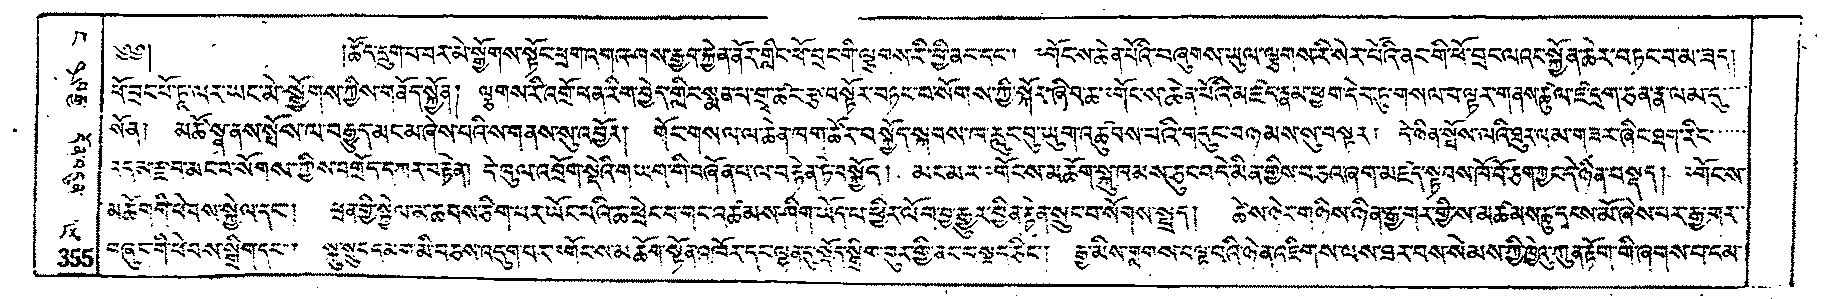༄༅། །ཚོད་དྲུག་པ་བར་མེ་སྒྱོགས་སྟོང་ཕྲག་འགའ་ཤས་རྒྱབ་རྐྱེན་ནོར་གླིང་ཕོ་བྲང་གི་ལྕགས་རི་ཕྱི་ནང་དང་། ༧གོང་ས་ཆེན་པོའི་བཞུགས་ཡུལ་ལྕགས་རི་སེར་པོའི་ནང་གི་ཕོ་བྲང་ལའང་སྐྱོན་ཆེར་བཏང་བ་མ་ཟད།
ཕོ་བྲང་པོ་ཏཱ་ལར་ཡང་མེ་སྒྱོགས་ཀྱིས་གནོད་སྐྱོན། ལྕགས་རི་འགྲོ་ཕན་རིག་བྱེད་གླིང་སྨན་པ་གྲྭ་ཚང་རྩ་བསྟོར་བཏང་བ་སོགས་ཀྱི་སྐོར་ཞིབ་ཆ་༧གོང་ས་ཆེན་པོའི་མཛད་རྣམ་ཕྱག་དེབ་ཏུ་གསལ་བ་ལྟར་གནས་ཚུལ་ཛ་དྲག་ཅན་རྣ་ལམ་དུ་
སོན། མཚོ་སྣ་ནས་སྤོས་ལ་བརྒྱུད་མང་མ་ཞེས་པའི་ས་གནས་སུ་འབྱོར། གོང་གསལ་ལ་ཆེན་ཁག་ཚོར་བསྐྱོད་སྐབས་ཁ་རླུང་བུ་ཡུག་འཚུབས་པའི་གདུང་བ་ཉམས་སུ་བསྟར། དེ་ཉིན་སྤོས་ལའི་ཐུར་ལམ་གཟར་ཞིང་ཐག་རིང་
འདམ་རྫབ་མང་བ་སོགས་ཀྱིས་བགྲོད་དཀར་བརྟེན། དེ་ཁུལ་འབྲོག་སྡེའི་གཡག་གི་བཞོན་པ་ལ་བརྟེན་ཏེ་བསྐྱོད། མང་མར་༧གོང་ས་མཆོག་སྐུ་ཁམས་ཅུང་བདེ་མིན་གྱིས་བཅའ་ཞག་མཛད་སྟབས་ཁོ་བོ་ཅག་ཀྱང་དེ་ཉིན་བསྡད། ༧གོང་ས་
མཆོག་གི་ཕེབས་སྐྱེལ་དང་། ཕྲན་གྱི་སྐྱེལ་མ་ཆབས་ཅིག་པར་ཡོང་པའི་ཆ་ཕྲེང་བ་གང་འཚམས་ཤིག་ཡོད་པ་ཕྱིར་ལོག་བྱ་རྒྱུར་བྱིན་རྟེན་སྲུང་བ་སོགས་སྤྲད། ཚེས་ཉེར་གཉིས་ཉིན་རྒྱ་གར་གྱི་ས་མཚམས་ཆུ་དྭངས་མོ་ཞེས་པར་རྒྱ་གར་
གཞུང་གི་ཕེབས་སྒྲིག་དང་། སྐུ་སྲུང་དམག་མི་བཅས་འདུག་པར་༧གོང་ས་མཆོག་སྟོན་འཁོར་དང་ལྷན་དུ་སྡོད་སྒྲིག་གུར་གྱི་ནང་བསྡད་ཅིང་། རྒྱ་མིས་གླགས་བལྟ་བའི་ཉེན་འཇིགས་ལས་ཐར་བས་སེམས་ཀྱི་ཁྱེའུ་ཀུན་རྟོག་གི་ཞགས་པ་དམ་